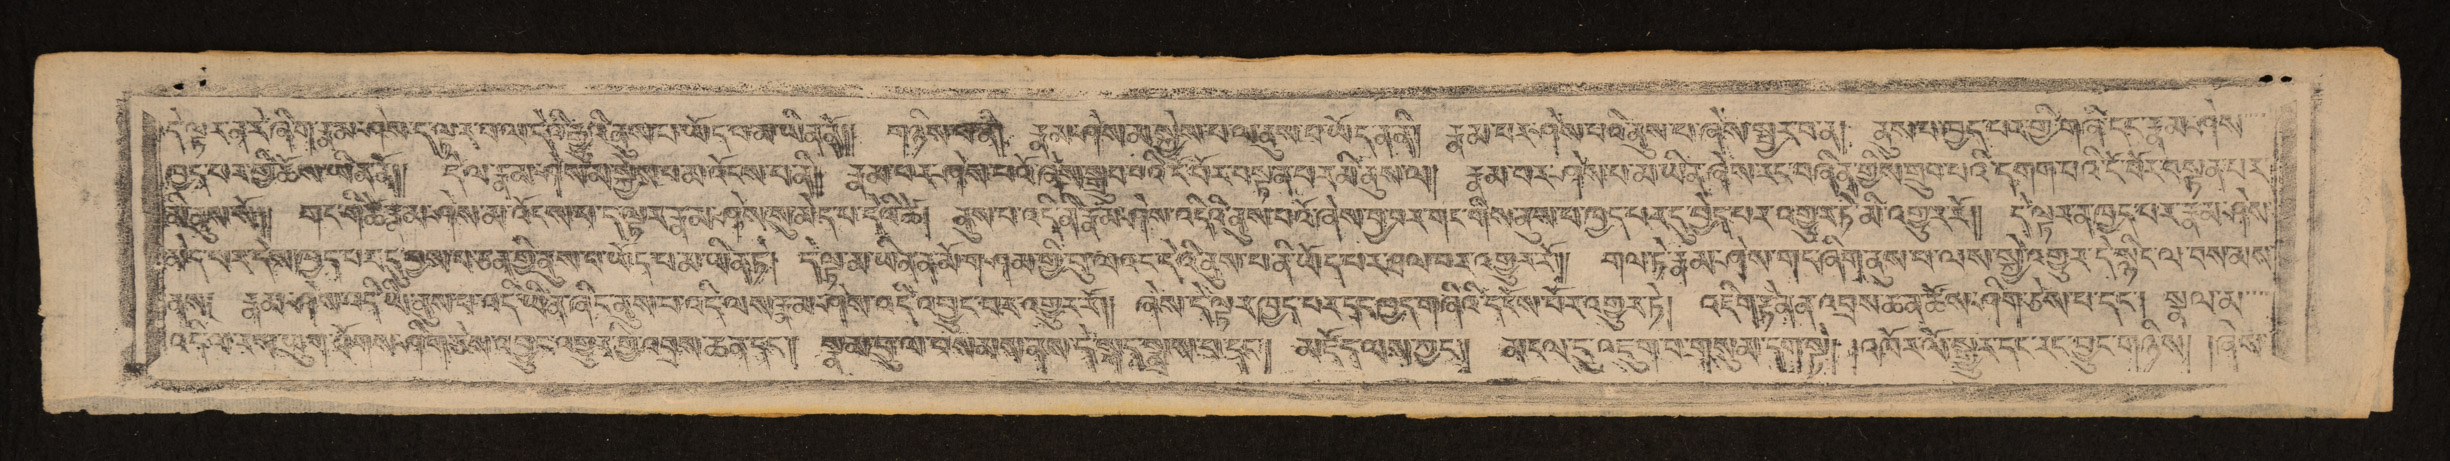དེ་ལྟར་ན་རེ་ཞིག་རྣམ་ཤེས་ད་ལྟར་བ་ལ་དེའི་རྒྱུའི་ནུས་པ་ཡོད་པ་མ་ཡིན་ནོ།། གཉིས་པ་ནི་རྣམ་ཤེས་མ་སྐྱེས་པ་ལ་ནུས་པ་ཡོད་ན་ནི། རྣམ་པར་ཤེས་པའི་ནུས་པ་ཞེས་སྦྱར་བ་ན། ནུས་པ་ཁྱད་པར་གྱི་གཞི་དང་རྣམ་ཤེས་
ཁྱད་པར་གྱི་ཆོས་ཡིན་ནོ།། དེ་ལ་རྣམ་ཤེས་མ་སྐྱེས་པ་མ་འོངས་པ་ནི། རྣམ་པར་ཤེས་པའོ་ཞེས་སྒྲུབ་པའི་ངོ་བོར་བསྟན་པར་མི་ནུས་ལ། རྣམ་པར་ཤེས་པ་མ་ཡིན་ཞེས་རང་བཞིན་གྱིས་གྲུབ་པའི་དགག་པའི་ངོ་བོར་བསྟན་པར་
མི་ནུས་སོ།། གང་གི་ཚེ་རྣམ་ཤེས་མ་འོངས་པ་ད་ལྟར་རྣམ་ཤེས་སུ་མེད་པ་དེའི་ཚེ། ནུས་པ་འདི་ནི་རྣམ་ཤེས་འདིའི་ནུས་པའོ་ཞེས་བྱ་བར་གང་གིས་ནུས་པ་ཁྱད་པར་དུ་བྱེད་པར་འགྱུར་ཏེ་མི་འགྱུར་རོ།། དེ་ལྟར་ན་ཁྱད་པར་རྣམ་ཤེས་
མེད་པར་དེས་ཁྱད་པར་དུ་བྱས་པ་ཅན་གྱི་ནུས་པ་ཡོད་པ་མ་ཡིན་ཏེ། དེ་ལྟ་མ་ཡིན་ན་མོ་གཤམ་གྱི་བུ་ལའང་དེའི་ནུས་པ་ནི་ཡོད་པར་ཐལ་བར་འགྱུར་རོ།། གལ་ཏེ་རྣམ་ཤེས་གང་ཞིག་ནུས་པ་ལས་སྐྱེ་འགྱུར་དེ་སྙིང་ལ་བསམས་
ནས། རྣམ་ཤེས་འདི་ཡི་ནུས་པ་འདི་ཡིན་ཞིང་ནུས་པ་འདི་ལས་རྣམ་ཤེས་འདི་འབྱུང་བར་འགྱུར་རོ།། ཞེས་དེ་ལྟར་ཁྱད་པར་དང་ཁྱད་གཞིའི་དངོས་པོར་འགྱུར་ཏེ། འཇིག་རྟེན་ན་འབྲས་ཆན་ཚོས་ཤིག་ཅེས་པ་དང་། སྣལ་མ་
འདི་ལ་རས་ཡུག་ཐོགས་ཤིག་ཅེས་འབྱུང་འགྱུར་གྱི་འབྲས་ཆན་དང་། སྣམ་བུ་ལ་བསམས་ནས་དེ་སྐད་སྨྲས་པ་དང་། མཛོད་ལས་ཀྱང་། མངལ་དུ་འཇུག་པ་གསུམ་དག་སྟེ། །འཁོར་ལོ་སྒྱུར་དང་རང་བྱུང་གཉིས། །ཞེས་